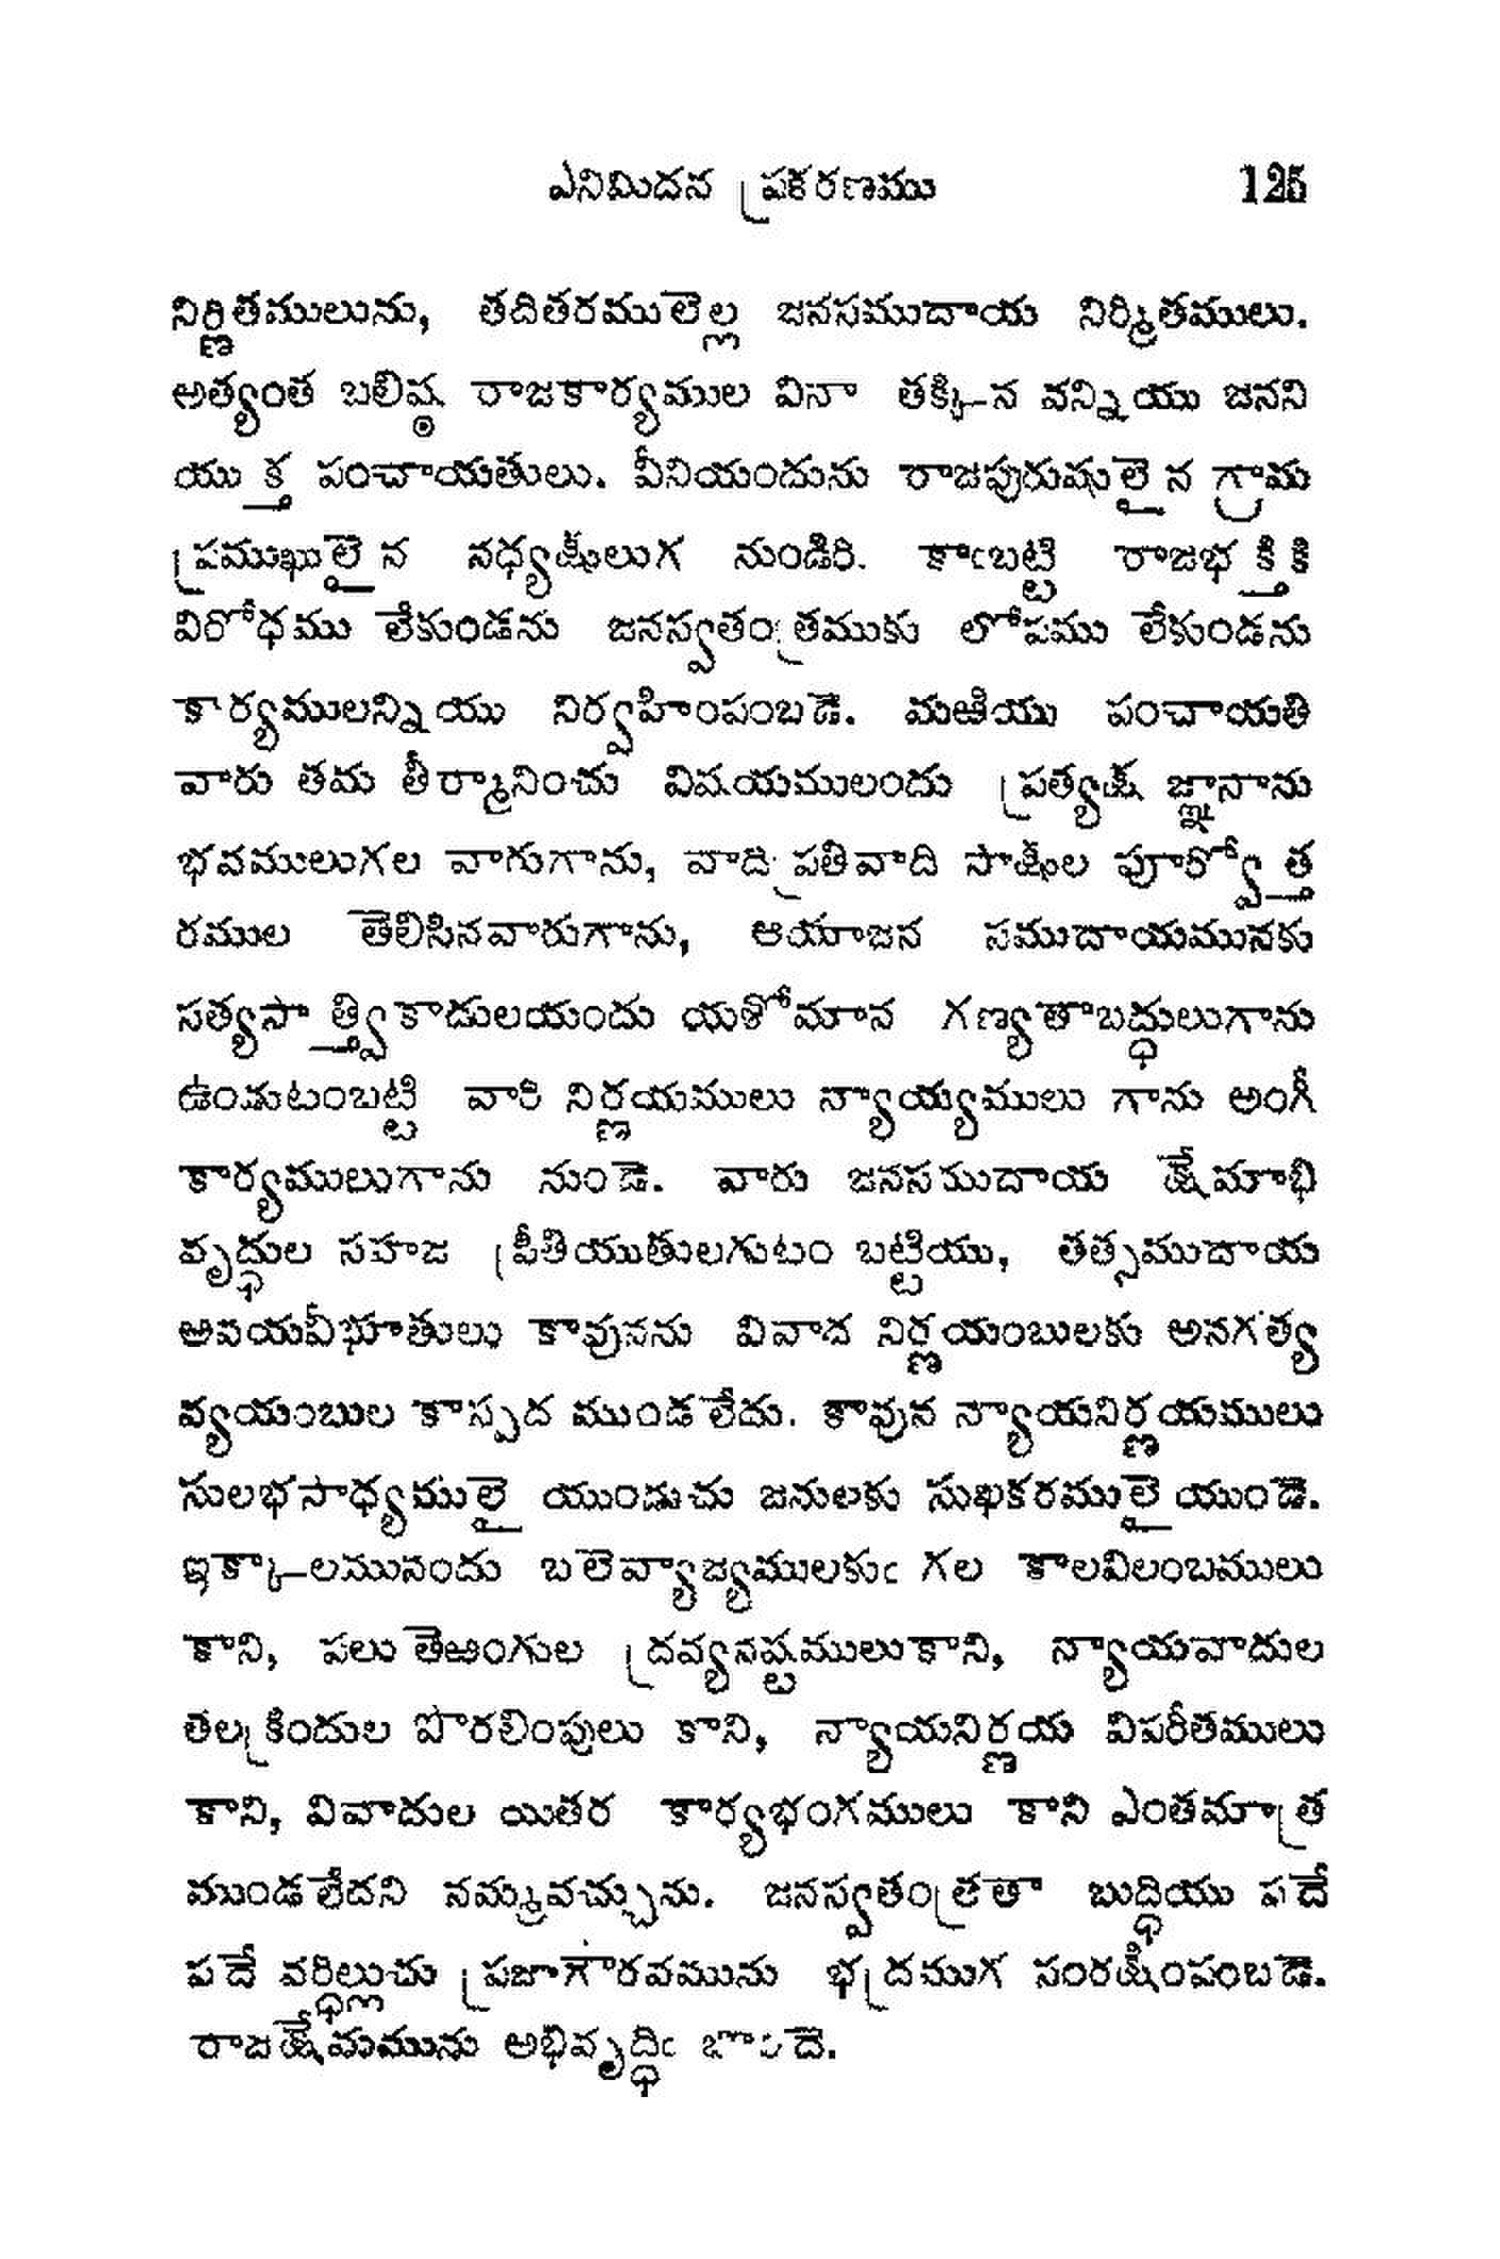నిర్ణితములును, తదితరములెల్ల జనసముదాయ నిర్మితములు. అత్యంత బలిష్ఠ రాజకార్యముల వినా తక్కిన వన్నియు జననియుక్త పంచాయతులు. వీనియందును రాజపురుషులై న గ్రామప్రముఖులైన నధ్యక్షులుగ నుండిరి. కాఁబట్టి రాజభక్తికి విరోధము లేకుండను జనస్వతంత్రముకు లోపము లేకుండను కార్యములన్నియు నిర్వహింపంబడె. మఱియు పంచాయతివారు తమ తీర్మానించు విషయములందు ప్రత్యక్ష జ్ఞానానుభవములుగల వారుగాను, వాదిప్రతివాది సాక్షుల పూర్వోత్తరముల తెలిసినవారుగాను, ఆయాజన సముదాయమునకు సత్యసాత్త్వికాదులయందు యశోమాన గణ్యతాబద్ధులుగాను ఉండుటంబట్టి వారి నిర్ణయములు న్యాయ్యములు గాను అంగీ కార్యములుగాను నుండె. వారు జనసముదాయ క్షేమాభివృద్ధుల సహజ ప్రీతియుతులగుటం బట్టియు, తత్సముదాయ అవయవీభూతులు కావునను వివాద నిర్ణయంబులకు అనగత్య వ్యయంబుల కాస్పద ముండలేదు. కావున న్యాయనిర్ణయములు సులభసాధ్యములై యుండుచు జనులకు సుఖకరములై యుండె. ఇక్కాలమునందు బలెవ్యాజ్యములకుఁ గల కాలవిలంబములు కాని, పలు తెఱంగుల ద్రవ్యనష్టములుకాని, న్యాయవాదుల తెలక్రిందుల పొరలింపులు కాని, న్యాయనిర్ణయ విపరీతములు కాని, వివాదుల యితర కార్యభంగములు కాని ఎంతమాత్ర ముండలేదని నమ్మవచ్చును. జనస్వతంత్రతా బుద్ధియు పదే పదే వర్ధిల్లుచు ప్రజాగౌరవమును భద్రముగ సంరక్షింపబడె. రాజక్షేమమును అభివృద్ధిఁ బొందె.